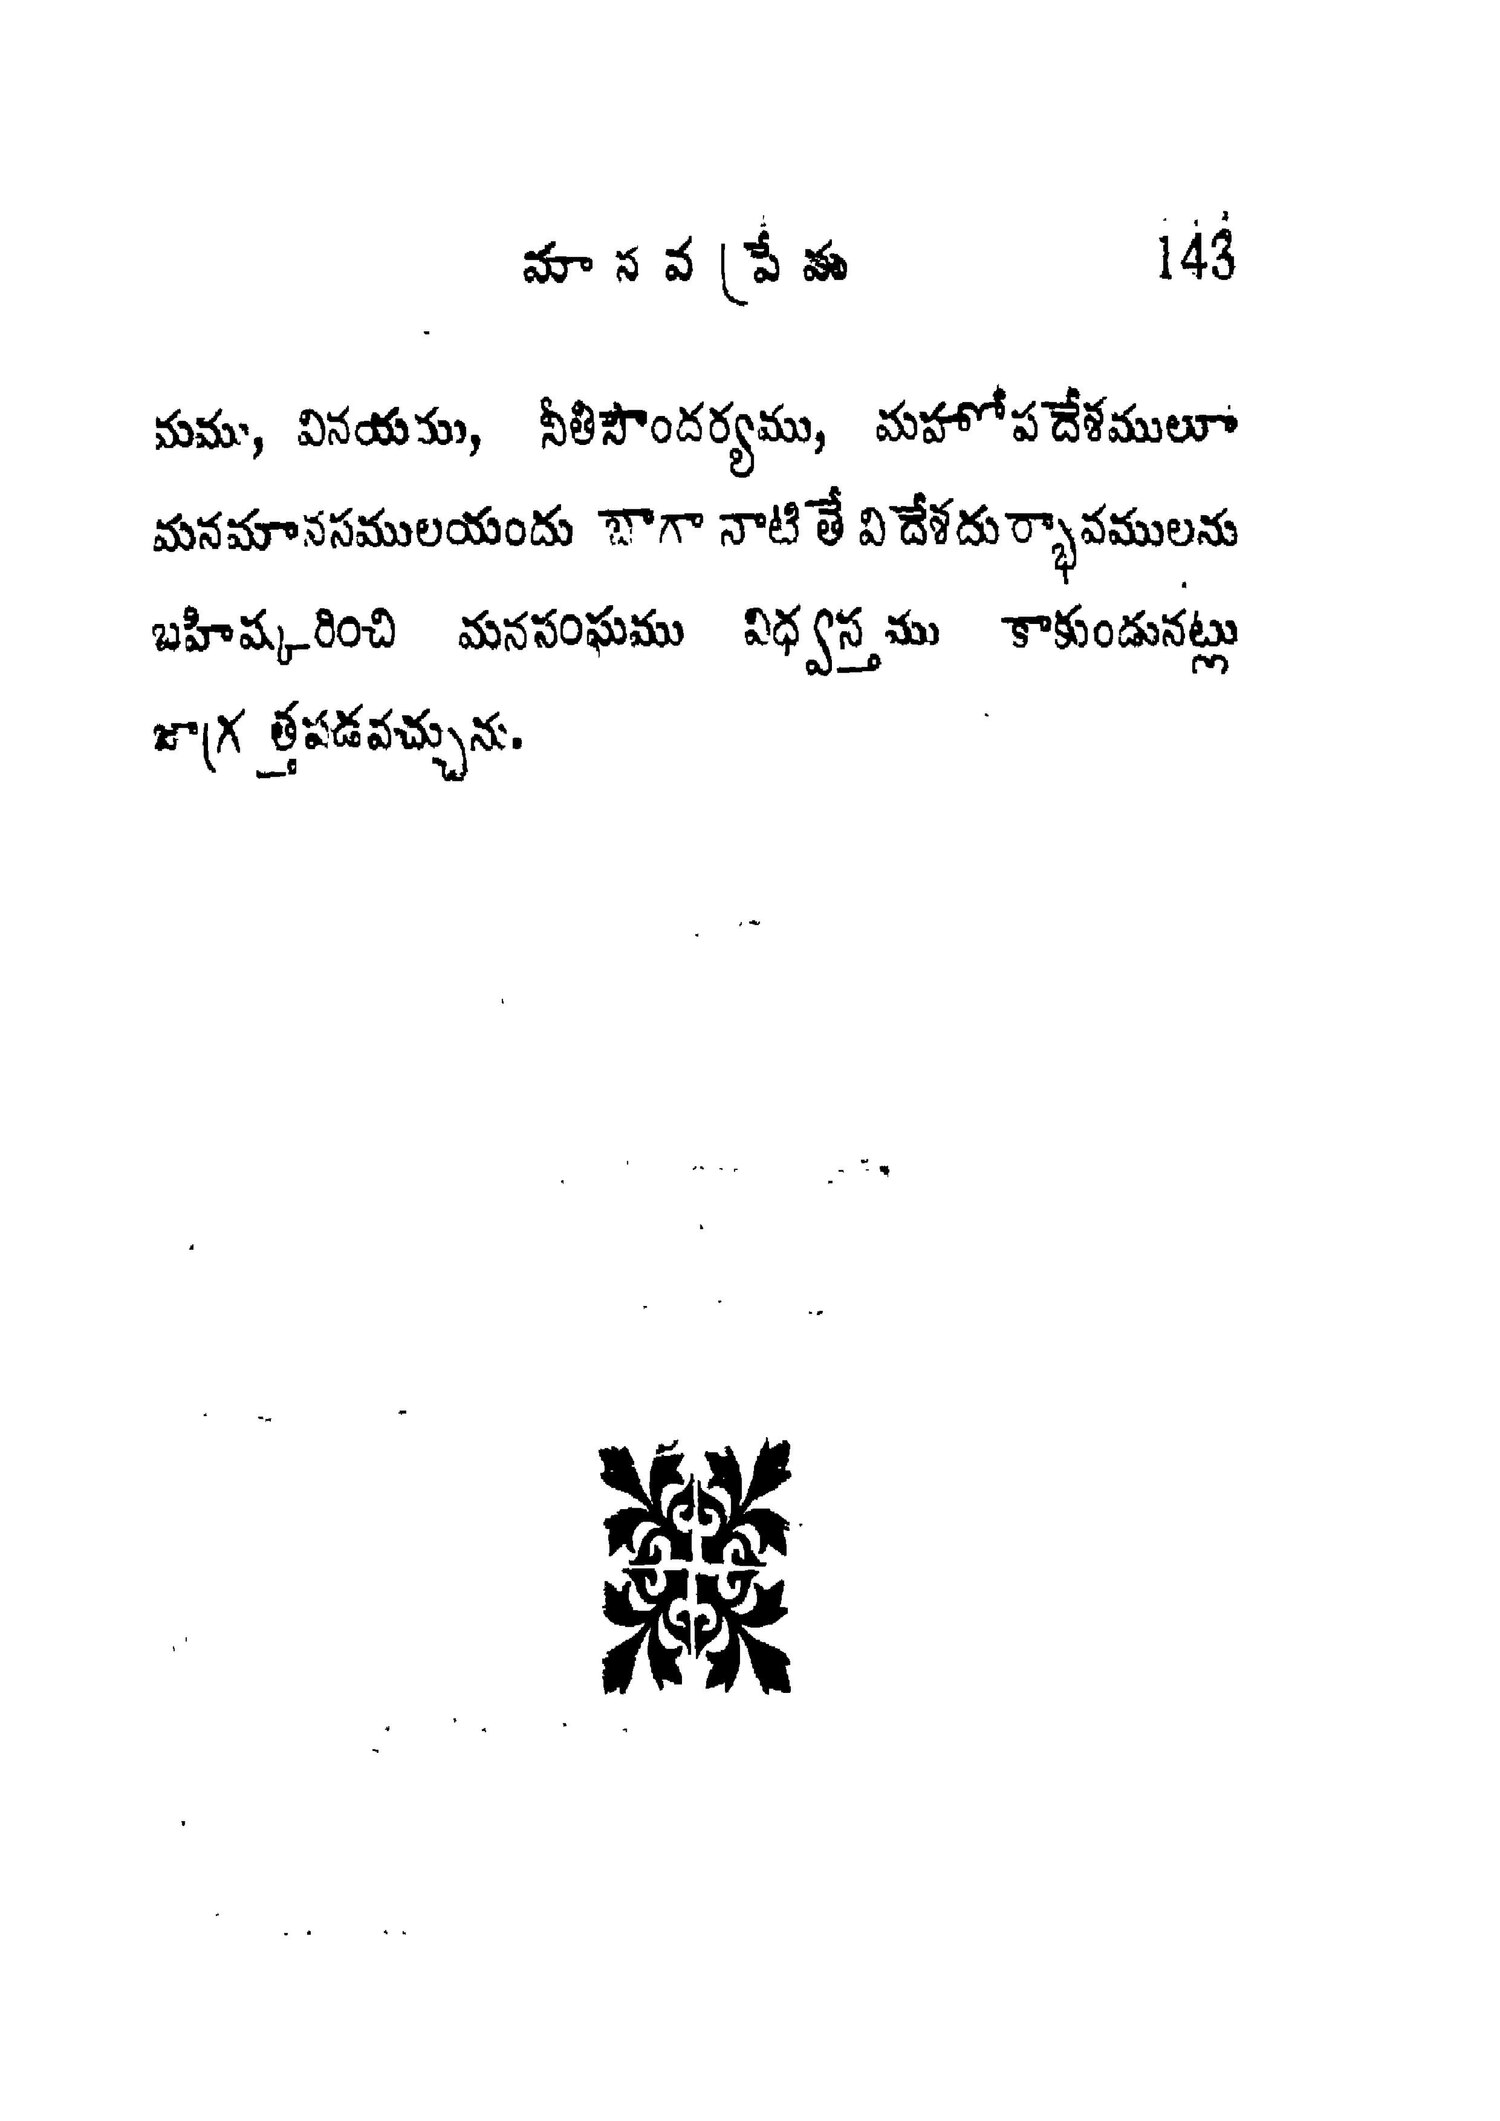మము, వినయము, నీతిసౌందర్యము, మహోపదేశములూ మనమానసములయందు బాగా నాటితే విదేశదుర్భావములను బహిష్కరించి మనసంఘము విధ్వస్తము కాకుండునట్లు జాగ్రత్తపడవచ్చును.